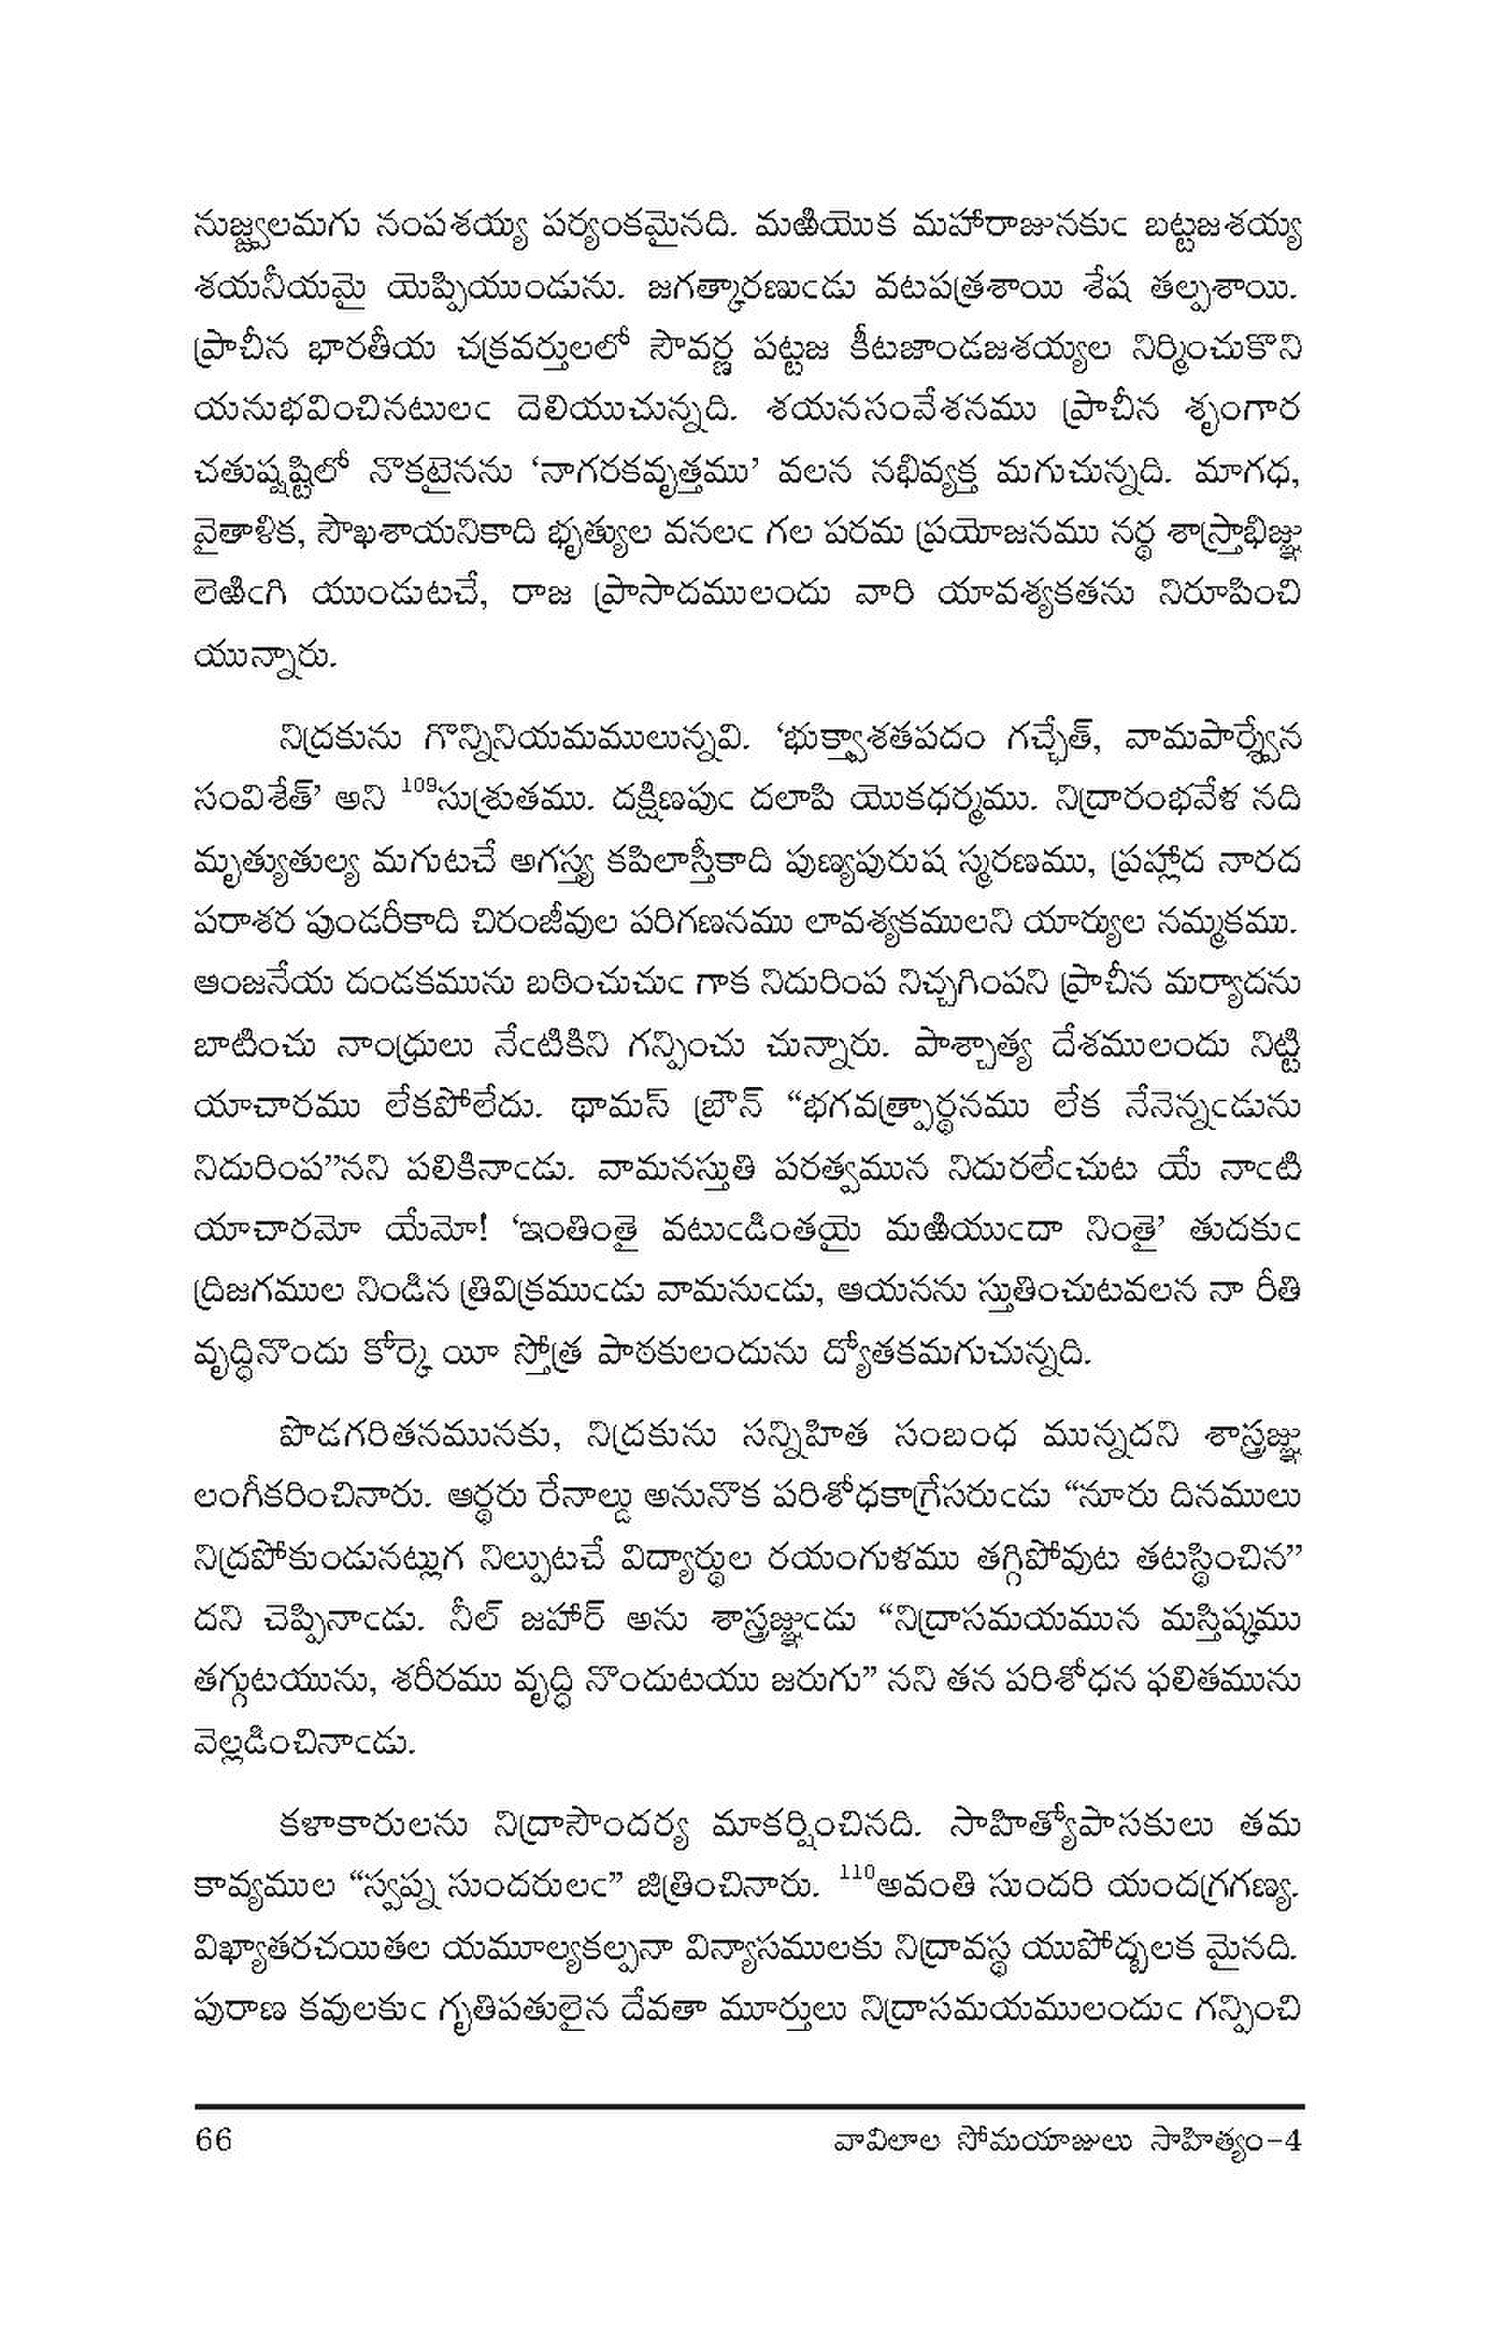నుజ్జ్వలమగు నంపశయ్య పర్యంకమైనది. మఱియొక మహారాజునకుఁ బట్టజశయ్య
శయనీయమై యెప్పియుండును. జగత్కారణుఁడు వటపత్రశాయి శేష తల్పశాయి.
ప్రాచీన భారతీయ చక్రవర్తులలో సౌవర్ణ పట్టజ కీటజాండజశయ్యల నిర్మించుకొని
యనుభవించినటులఁ దెలియుచున్నది. శయనసంవేశనము ప్రాచీన శృంగార
చతుష్షష్టిలో నొకటైనను 'నాగరకవృత్తము' వలన నభివ్యక్త మగుచున్నది. మాగధ,
వైతాళిక, సౌఖశాయనికాది భృత్యుల వనలఁ గల పరమ ప్రయోజనము నర్థ శాస్త్రాభిజ్ఞు
లెఱిఁగి యుండుటచే, రాజ ప్రాసాదములందు వారి యావశ్యకతను నిరూపించి
యున్నారు.

నిద్రకును గొన్నినియమములున్నవి. 'భుక్త్వాశతపదం గచ్ఛేత్, నామపార్శ్వేన
సంవిశేత్' అని సుశ్రుతము. దక్షిణపుఁ దలాపి యొకధర్మము. నిద్రారంభవేళ నది
మృత్యుతుల్య మగుటచే అగస్త్య కపిలాస్తీకాది పుణ్యపురుష స్మరణము, ప్రహ్లాద నారద
పరాశర పుండరీకాది చిరంజీవుల పరిగణనము లావశ్యకములని యార్యుల నమ్మకము.
ఆంజనేయ దండకమును బఠించుచుఁ గాక నిదురింప నిచ్చగింపని ప్రాచీన మర్యాదను
బాటించు నాంధ్రులు నేఁటికిని గన్పించు చున్నారు. పాశ్చాత్య దేశములందు నిట్టి
యాచారము లేకపోలేదు. థామస్ బ్రౌన్ "భగవత్రార్థనము లేక నేనెన్నఁడును
నిదురింప”నని పలికినాఁడు. వామనస్తుతి పరత్వమున నిదురలేఁచుట యే నాఁటి
యాచారమో యేమో! 'ఇంతింతై వటుఁడింతయై మఱియుఁదా నింతై' తుదకుఁ
ద్రిజగముల నిండిన త్రివిక్రముఁడు వామనుఁడు, ఆయనను స్తుతించుటవలన నా రీతి
వృద్ధినొందు కోర్కె యీ స్తోత్ర పాఠకులందును ద్యోతకమగుచున్నది.

పొడగరితనమునకు, నిద్రకును సన్నిహిత సంబంధ మున్నదని శాస్త్రజ్ఞు
లంగీకరించినారు. ఆర్థరు రేనాల్డు అనునొక పరిశోధకాగ్రేసరుఁడు “నూరు దినములు
నిద్రపోకుండునట్లుగ నిల్పుటచే విద్యార్థుల రయంగుళము తగ్గిపోవుట తటస్థించిన”
దని చెప్పినాఁడు. నీల్ జహార్ అను శాస్త్రజ్ఞుఁడు "నిద్రాసమయమున మస్తిష్కము
తగ్గుటయును, శరీరము వృద్ధి నొందుటయు జరుగు" నని తన పరిశోధన ఫలితమును
వెల్లడించినాఁడు.

కళాకారులను నిద్రాసౌందర్య మాకర్షించినది. సాహిత్యోపాసకులు తమ
కావ్యముల "స్వప్న సుందరులఁ" జిత్రించినారు. అవంతి సుందరి యందగ్రగణ్య.
విఖ్యాతరచయితల యమూల్యకల్పనా విన్యాసములకు నిద్రావస్థ యుపోద్బలక మైనది.
పురాణ కవులకుఁ గృతిపతులైన దేవతా మూర్తులు నిద్రాసమయములందుఁ గన్పించి